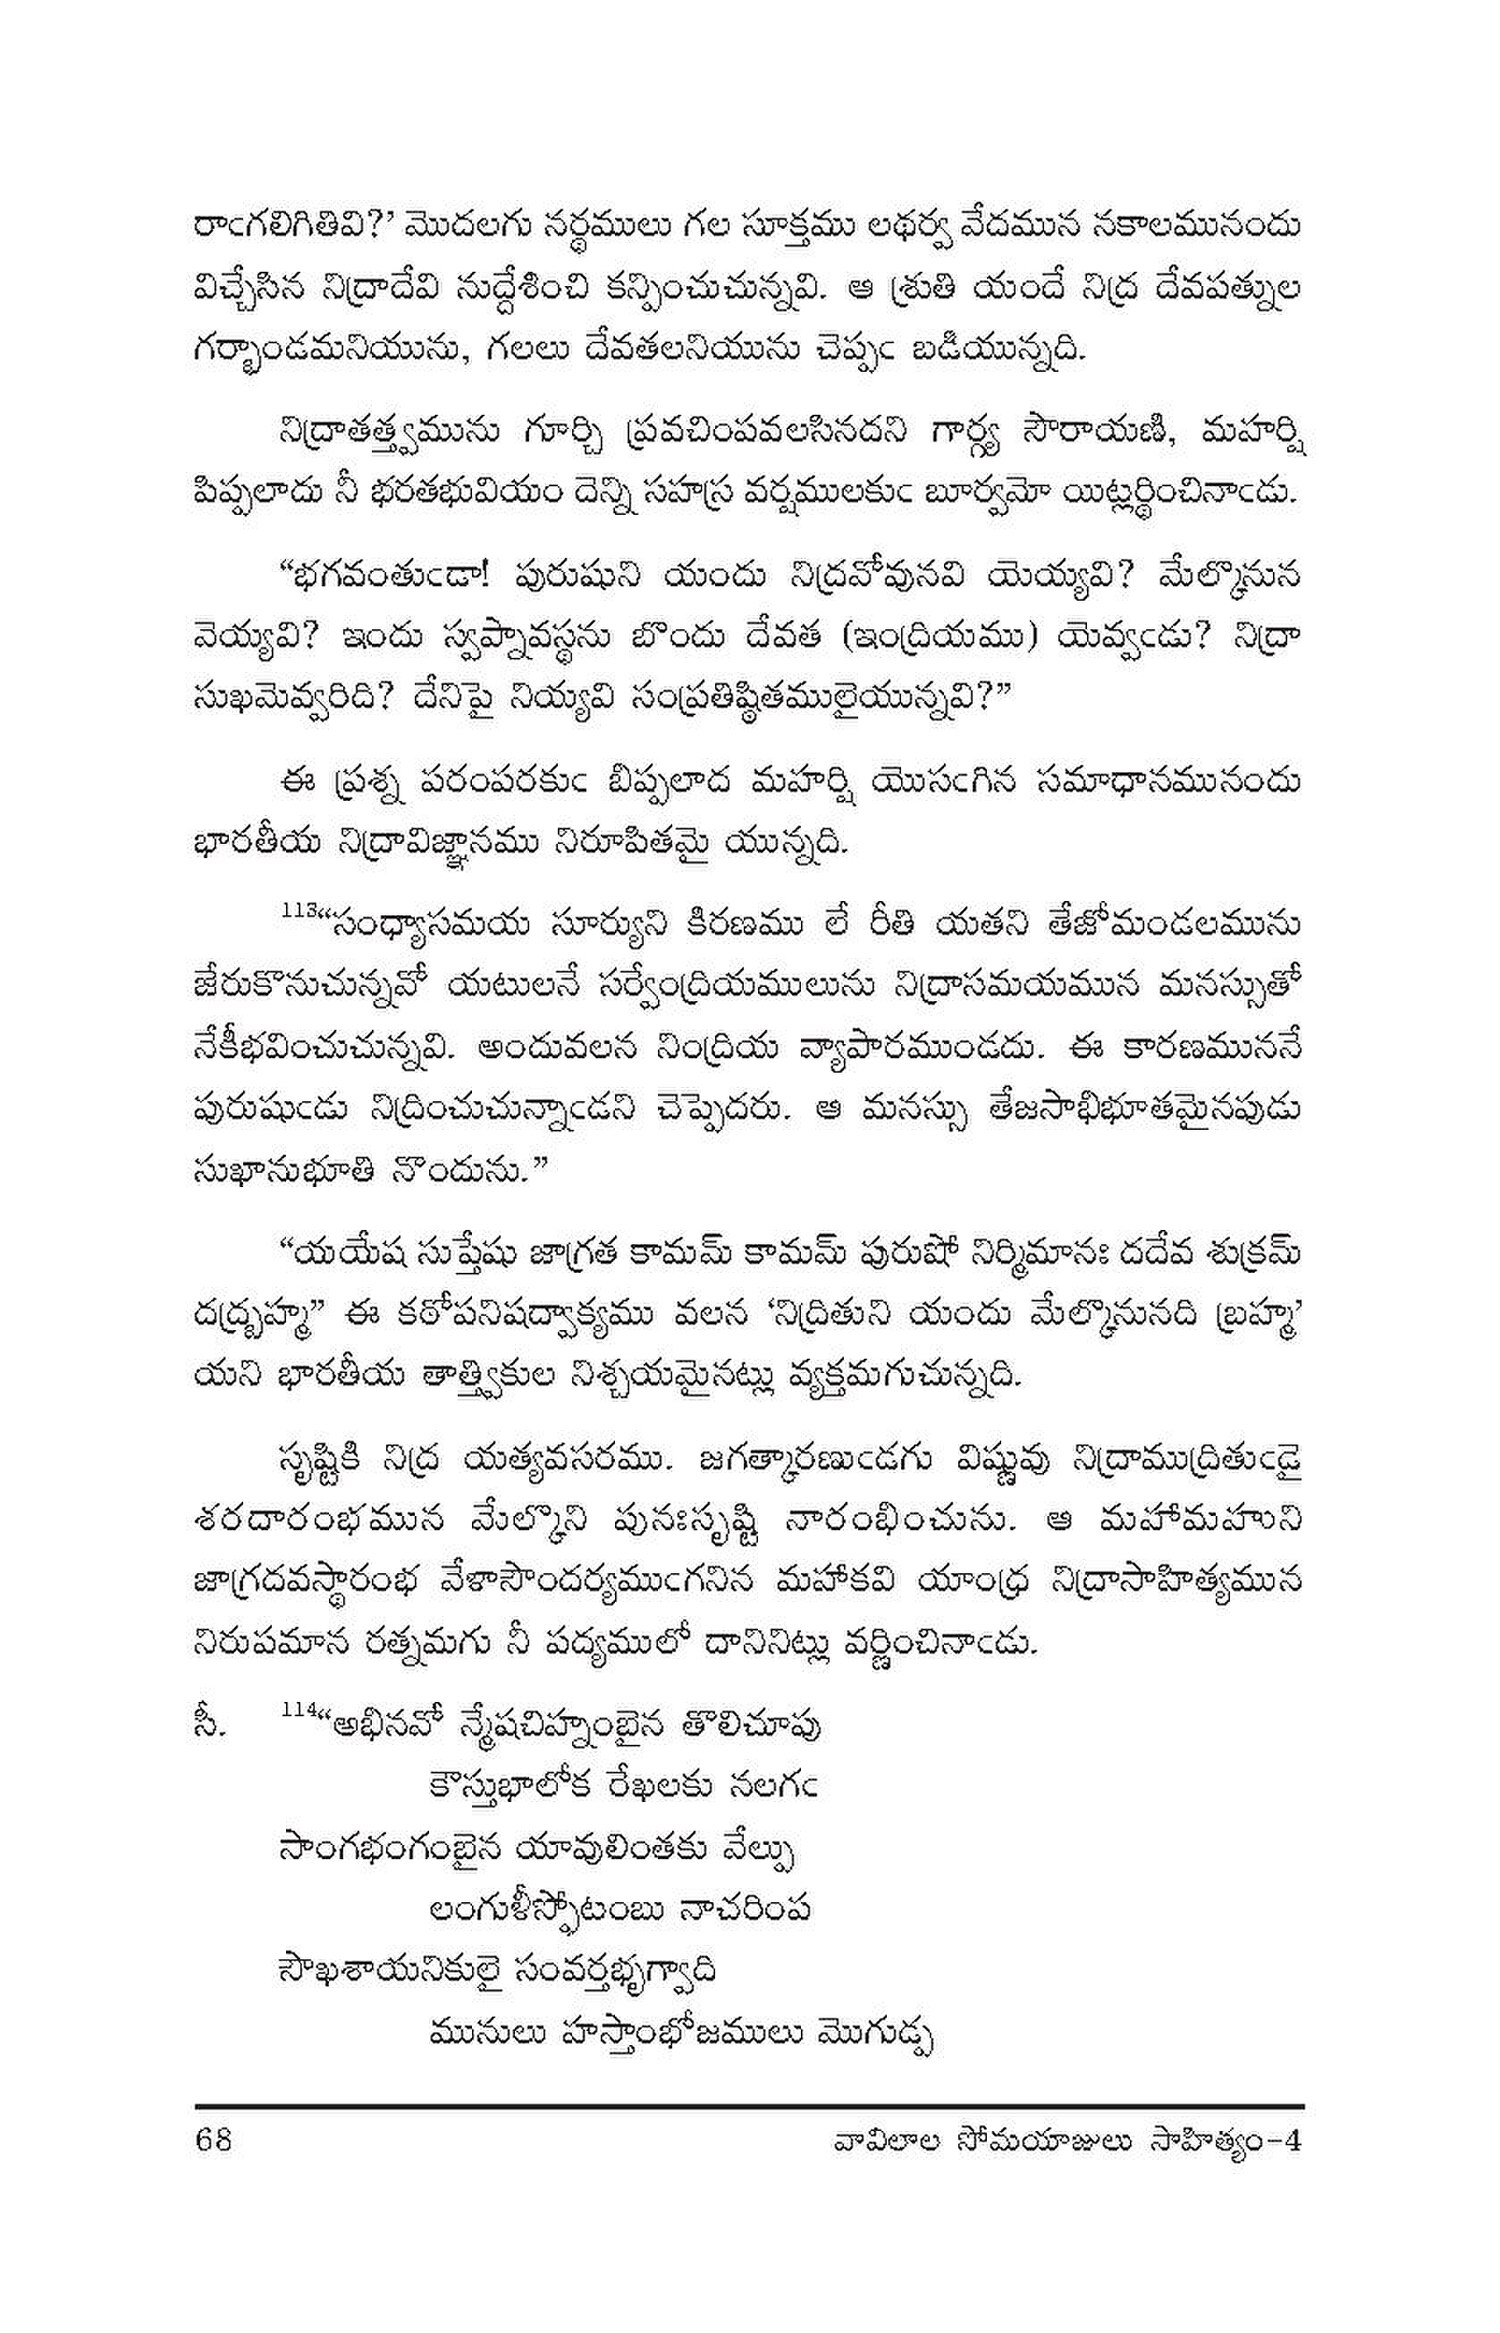రాఁగలిగితివి?' మొదలగు నర్థములు గల సూక్తము లథర్వ వేదమున నకాలమునందు
విచ్చేసిన నిద్రాదేవి నుద్దేశించి కన్పించుచున్నవి. ఆ శ్రుతి యందే నిద్ర దేవపత్నుల
గర్భాండమనియును, గలలు దేవతలనియును చెప్పఁ బడియున్నది.

నిద్రాతత్త్వమును గూర్చి ప్రవచింపవలసినదని గార్గ్య సౌరాయణి, మహర్షి
పిప్పలాదు నీ భరతభువియం దెన్ని సహస్ర వర్షములకుఁ బూర్వమో యిట్లర్థించినాఁడు.

"భగవంతుఁడా! పురుషుని యందు నిద్రవోవునవి యెయ్యవి? మేల్కొనున
నెయ్యవి? ఇందు స్వప్నావస్థను బొందు దేవత (ఇంద్రియము) యెవ్వఁడు? నిద్రా
సుఖమెవ్వరిది? దేనిపై నియ్యవి సంప్రతిష్ఠితములైయున్నవి?”

ఈ ప్రశ్న పరంపరకుఁ బిప్పలాద మహర్షి యొసఁగిన సమాధానమునందు
భారతీయ నిద్రావిజ్ఞానము నిరూపితమై యున్నది.

"సంధ్యాసమయ సూర్యుని కిరణము లే రీతి యతని తేజోమండలమును
జేరుకొనుచున్నవో యటులనే సర్వేంద్రియములును నిద్రాసమయమున మనస్సుతో
నేకీభవించుచున్నవి. అందువలన నింద్రియ వ్యాపారముండదు. ఈ కారణముననే
పురుషుఁడు నిద్రించుచున్నాఁడని చెప్పెదరు. ఆ మనస్సు తేజసాభిభూతమైనపుడు
సుఖానుభూతి నొందును.”

“యయేష సుప్తేషు జాగ్రత కామమ్ కామమ్ పురుషో నిర్మిమానః దదేవ శుక్రమ్
దద్బ్రహ్మ” ఈ కఠోపనిషద్వాక్యము వలన 'నిద్రితుని యందు మేల్కొనునది బ్రహ్మ'
యని భారతీయ తాత్త్వికుల నిశ్చయమైనట్లు వ్యక్తమగుచున్నది.

సృష్టికి నిద్ర యత్యవసరము. జగత్కారణుఁడగు విష్ణువు నిద్రాముద్రితుఁడై
శరదారంభమున మేల్కొని పునఃసృష్టి నారంభించును. ఆ మహామహుని
జాగ్రదవస్థారంభ వేళాసౌందర్యముఁగనిన మహాకవి యాంధ్ర నిద్రాసాహిత్యమున
నిరుపమాన రత్నమగు నీ పద్యములో దానినిట్లు వర్ణించినాఁడు.

సీ. "అభినవో న్మేషచిహ్నంబైన తొలిచూపు
 కౌస్తుభాలోక రేఖలకు నలగఁ
 సాంగభంగంబైన యావులింతకు వేల్పు
 లంగుళీస్ఫోటంబు నాచరింప
 సౌఖశాయనికులై సంవర్తభృగ్వాది
 మునులు హస్తాంభోజములు మొగుడ్ప